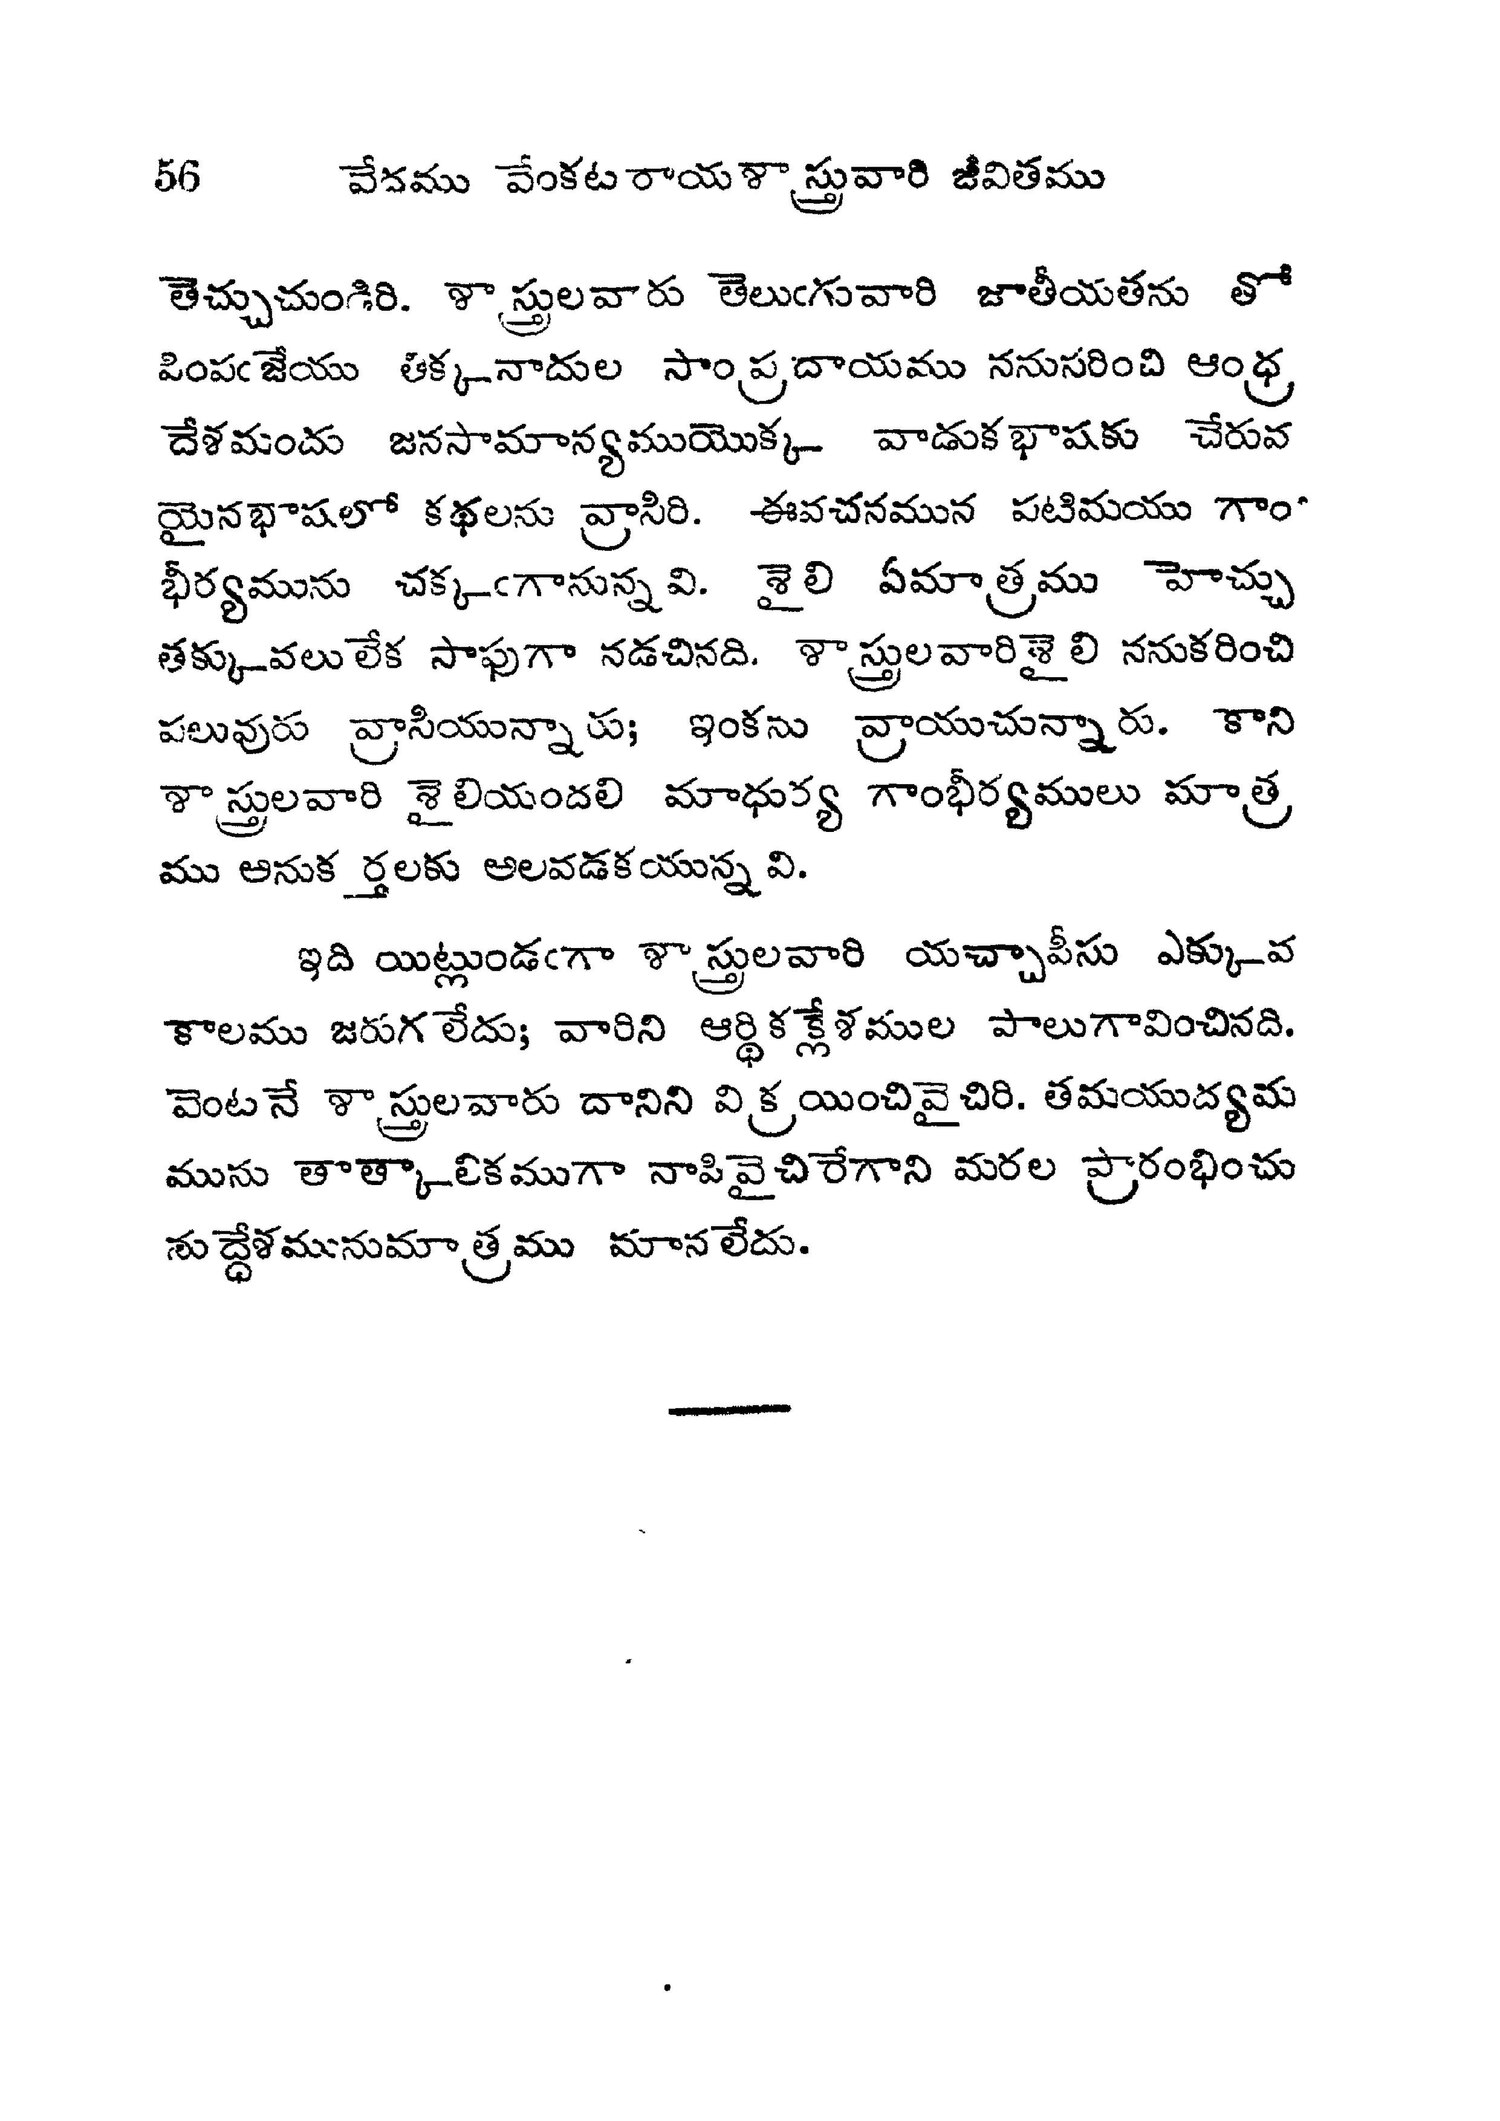తెచ్చుచుండిరి. శాస్త్రులవారు తెలుగువారి జాతీయతను తోపింపజేయు తిక్కనాదుల సాంప్రదాయము ననుసరించి ఆంధ్రదేశమందు జనసామాన్యముయొక్క వాడుకభాషకు చేరువయైనభాషలో కథలను వ్రాసిరి. ఈవచనమున పటిమయు గాంభీర్యమును చక్కగానున్నవి. శైలి ఏమాత్రము హెచ్చు తక్కువలులేక సాపుగా నడచినది. శాస్త్రులవారిశైలి ననుకరించి పలువురు వ్రాసియున్నారు; ఇంకను వ్రాయుచున్నారు. కాని శాస్త్రులవారి శైలియందలి మాధుర్య గాంభీర్యములు మాత్రము అనుకర్తలకు అలవడకయున్నవి.

ఇది యిట్లుండగా శాస్త్రులవారి యచ్చాపీసు ఎక్కువ కాలము జరుగలేదు; వారిని ఆర్థికక్లేశముల పాలుగావించినది. వెంటనే శాస్త్రులవారు దానిని విక్రయించివైచిరి. తమయుద్యమమును తాత్కాలికముగా నాపివైచిరేగాని మరల ప్రారంభించు నుద్దేశమునుమాత్రము మానలేదు.

___________